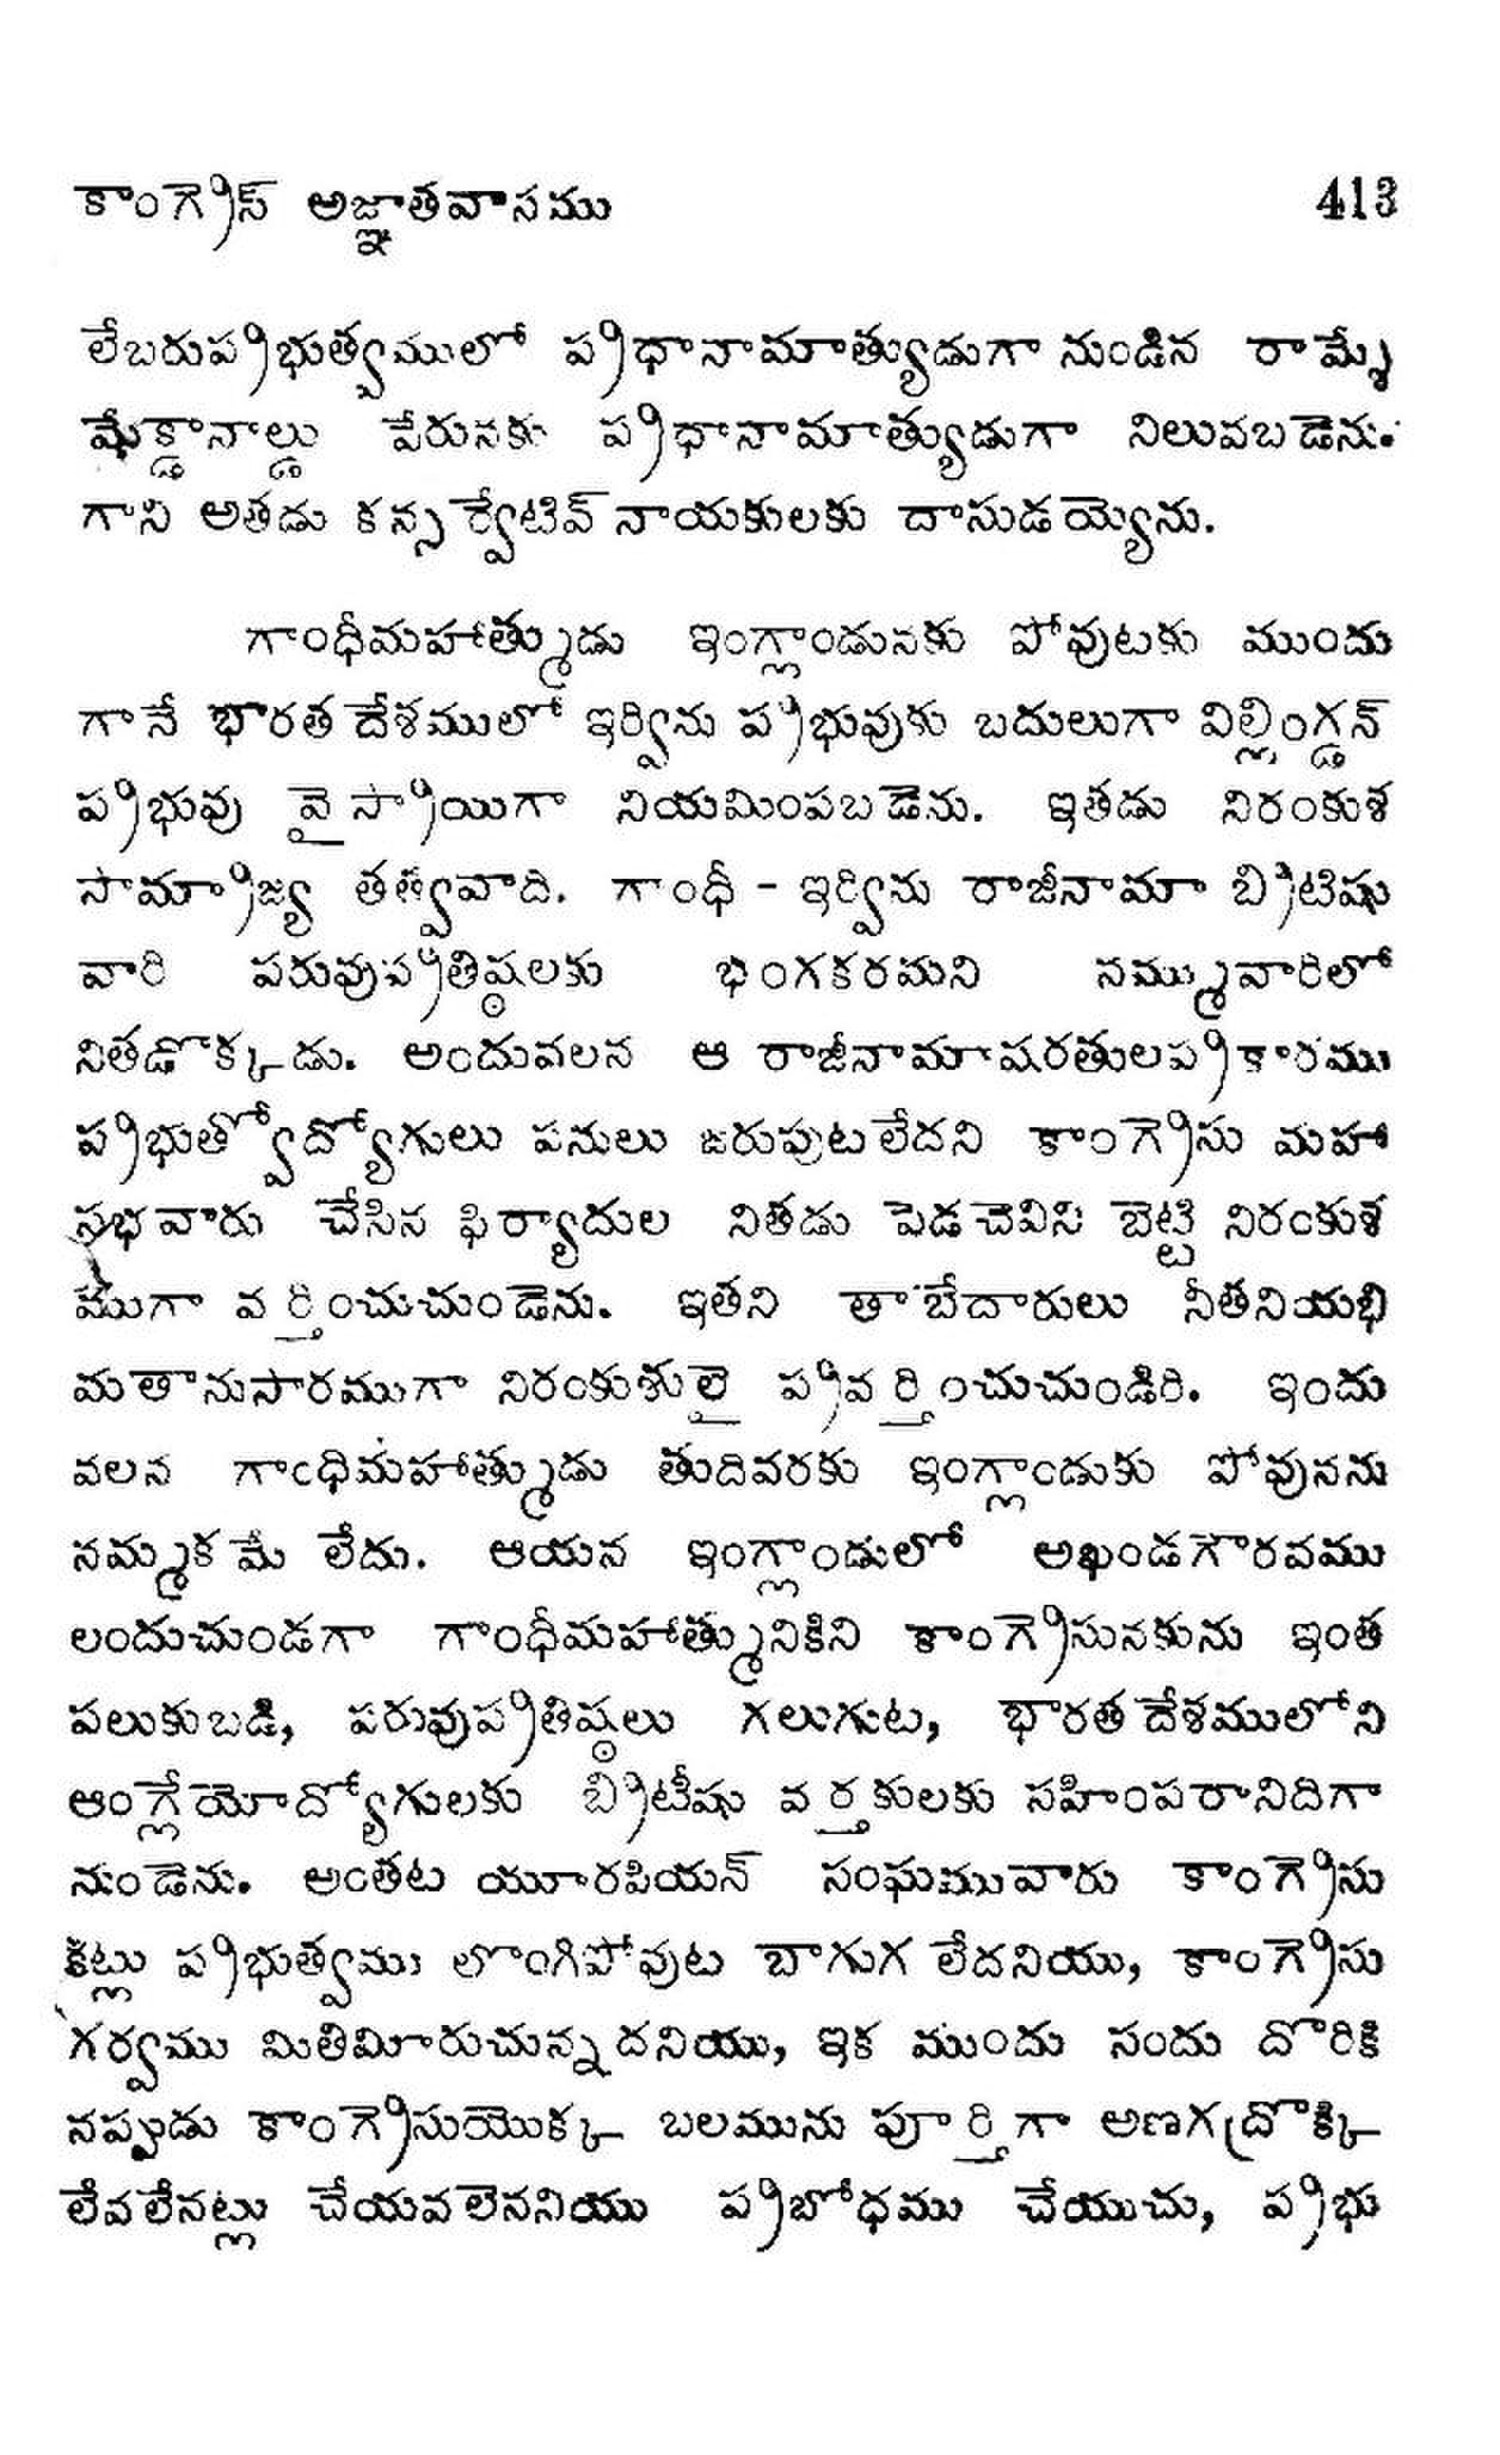లేబరుప్రభుత్వములో ప్రధానామాత్యుడుగా నుండిన రామ్శే మేక్డానాల్డు పేరునకు ప్రధానామాత్యుడుగా నిలువబడెను. గాని అతడు కన్సర్వేటివ్ నాయకులకు దాసుడయ్యెను.

గాంధీమహాత్ముడు ఇంగ్లాండునకు పోవుటకు ముందుగానే భారతదేశములో ఇర్విను ప్రభువుకు బదులుగా విల్లింగ్డన్ ప్రభువు వైస్రాయిగా నియమింపబడెను. ఇతడు నిరంకుశ సామ్రాజ్య తత్వవాది. గాంధీ - ఇర్విను రాజీనామా బ్రిటిషువారి పరువుప్రతిష్ఠలకు భంగకరమని నమ్మువారిలో నితడొక్కడు. అందువలన ఆ రాజీనామాషరతులప్రకారము ప్రభుత్వోద్యోగులు పనులు జరుపుటలేదని కాంగ్రెసు మహాసభవారు చేసిన ఫిర్యాదుల నితడు పెడచెవిని బెట్టి నిరంకుశముగా వర్తించుచుండెను. ఇతని తాబేదారులు నీతనియభిమతానుసారముగా నిరంకుశులై ప్రవర్తించుచుండిరి. ఇందువలన గాంధిమహాత్ముడు తుదివరకు ఇంగ్లాండుకు పోవునను నమ్మకమే లేదు. ఆయన ఇంగ్లాండులో అఖండగౌరవము లందుచుండగా గాంధీమహాత్మునికిని కాంగ్రెసునకును ఇంత పలుకుబడి, పరువుప్రతిష్ఠలు గలుగుట, భారతదేశములోని ఆంగ్లేయోద్యోగులకు బ్రిటీషు వర్తకులకు సహింపరానిదిగా నుండెను. అంతట యూరపియన్ సంఘమువారు కాంగ్రెసు కిట్లు ప్రభుత్వము లొంగిపోవుట బాగుగ లేదనియు, కాంగ్రెసు గర్వము మితిమీరుచున్నదనియు, ఇక ముందు సందు దొరికినప్పుడు కాంగ్రెసుయొక్క బలమును పూర్తిగా అణగద్రొక్కి లేవలేనట్లు చేయవలెననియు ప్రబోధము చేయుచు, ప్రభు